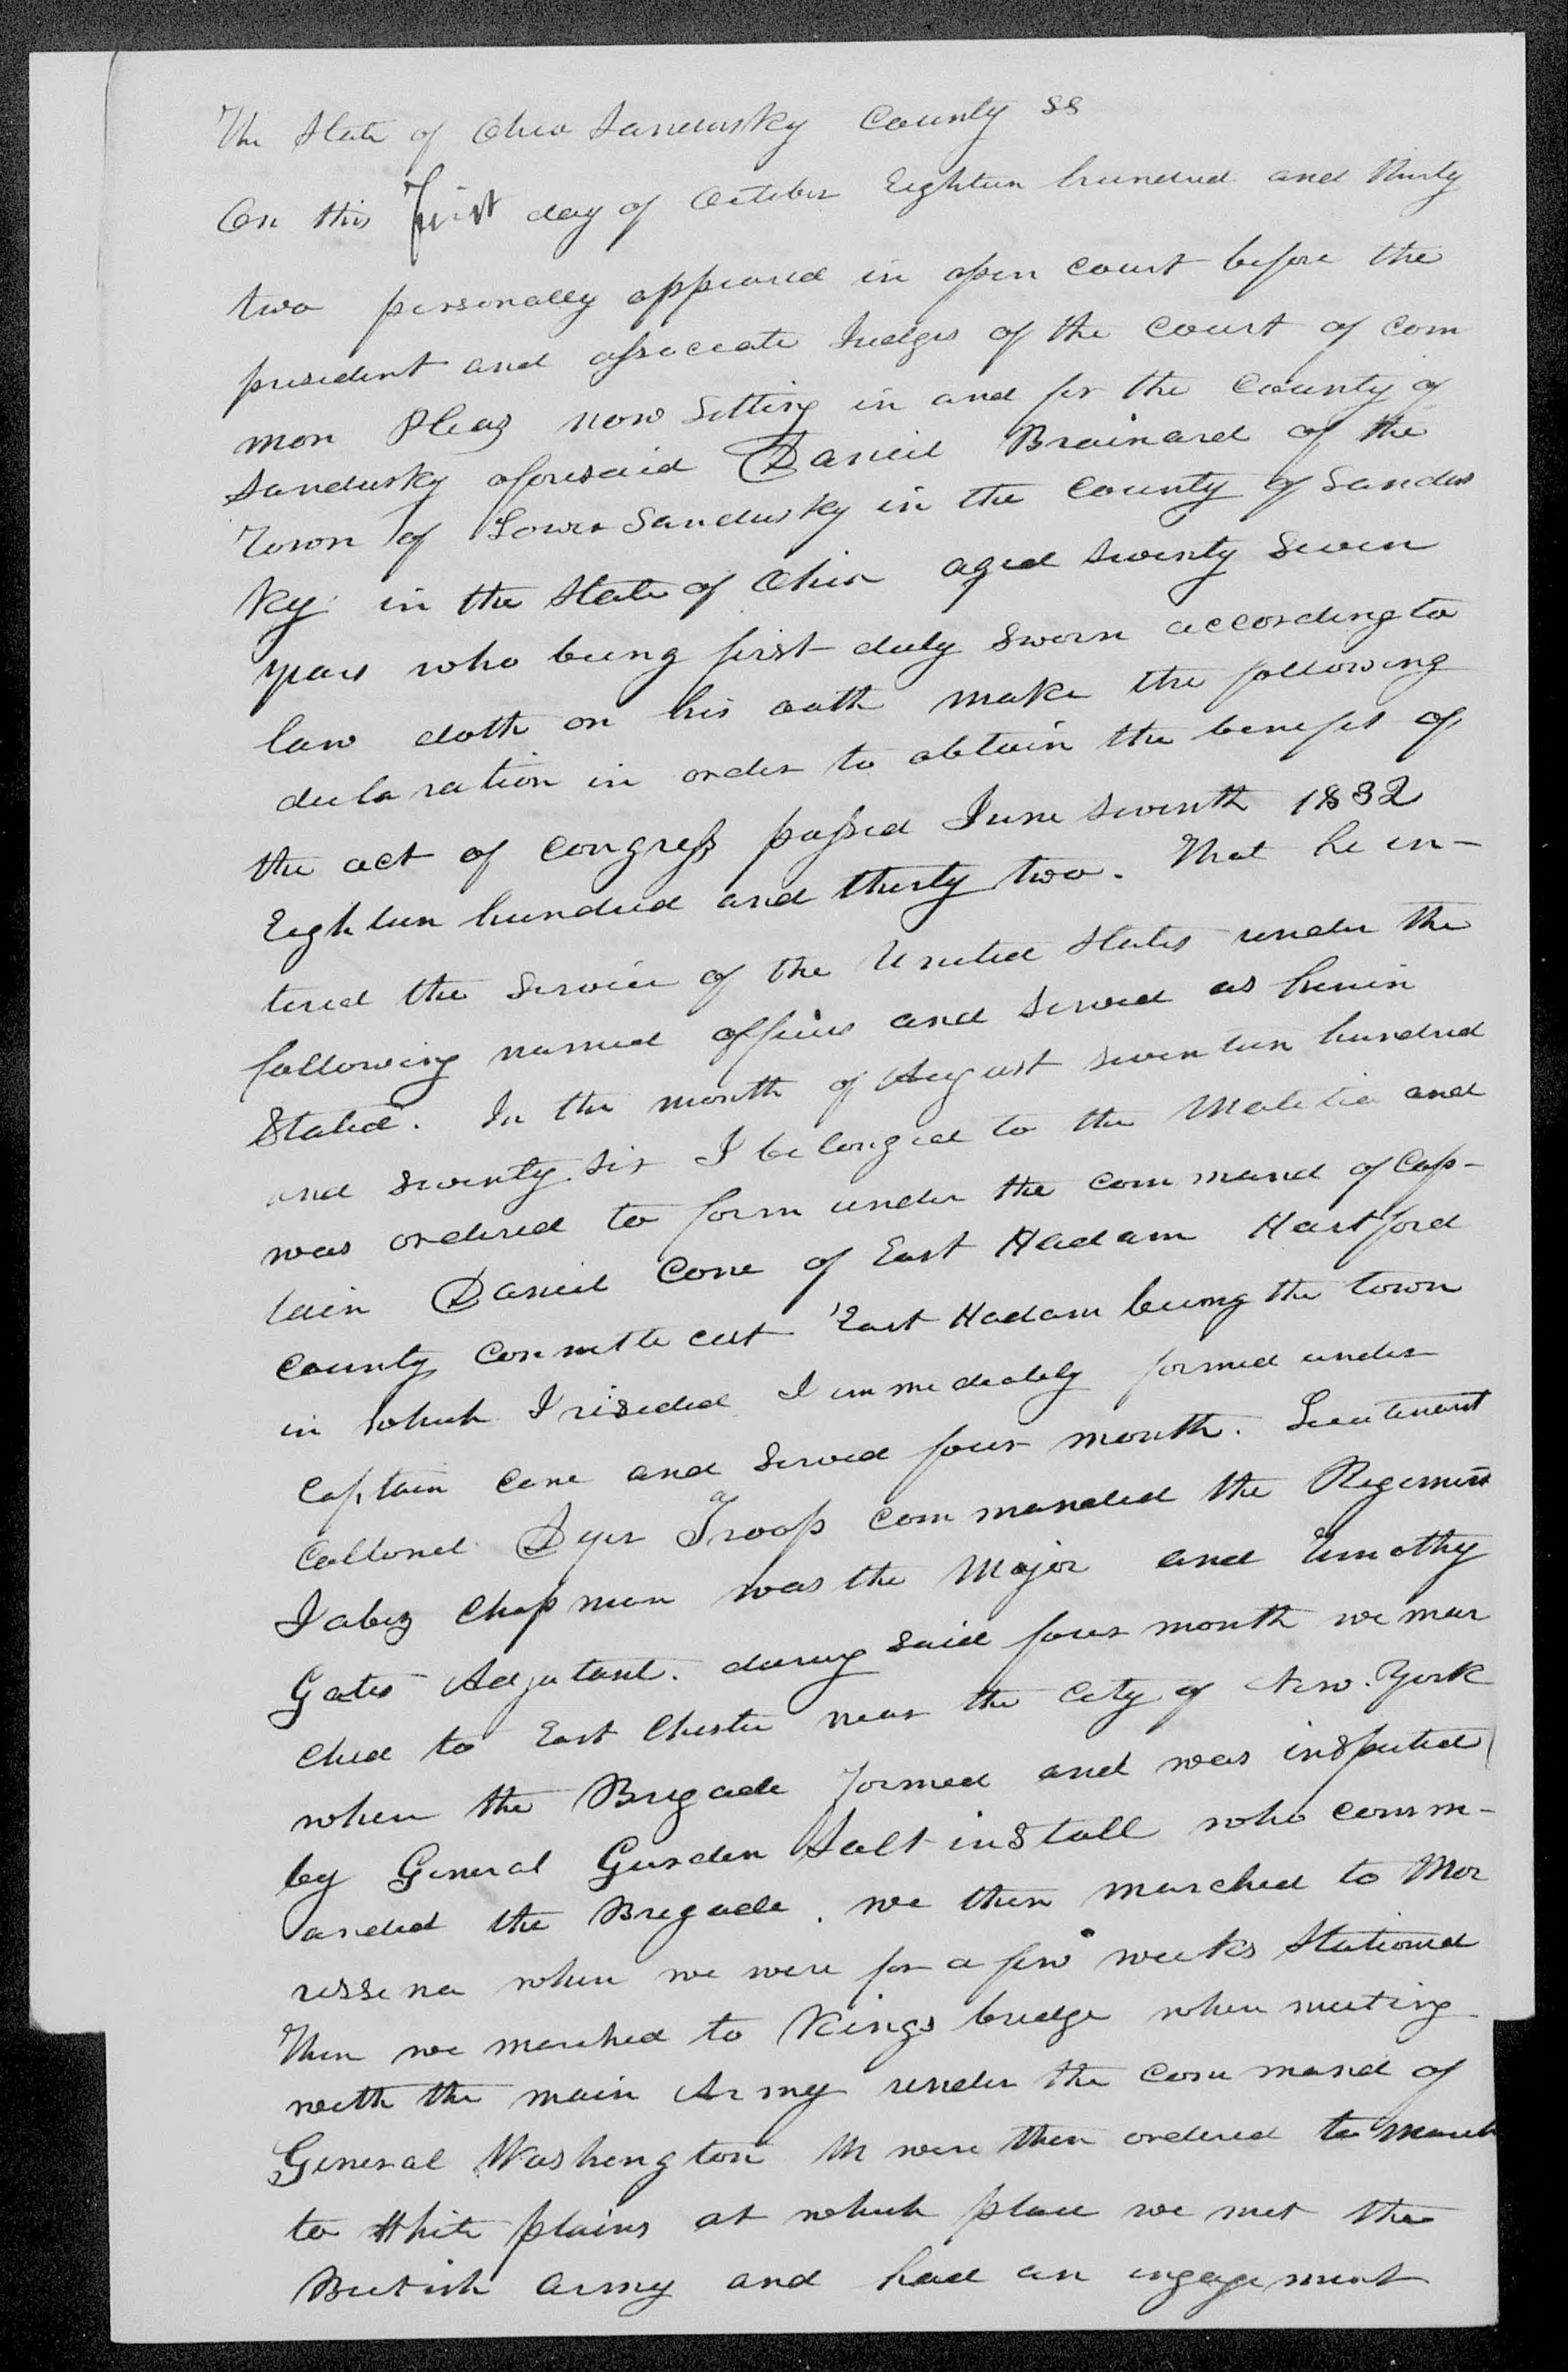The State of Ohio Sandusky County SS

On this first day of October Eighteen hundred and Thirty two personally appeared in open court before the president and associate judges of the court of common pleas now setting in and for the county of Sandusky aforesaid Daniel Brainard of the town of Lower Sandusky in the County of Sandusky in the State of Ohio aged seventy seven years who being first duly sworn according to law doth on his oath make the following declaration in order to obtain the benefit of the act of Congress passed June seventh 1832 Eighteen Hundred and thirty two. That he entered the service of the United States under the following named officers and served as herein stated. In the month of August seventeen hundred and seventy six, I belonged to the Militia and was ordered to form under the command of Captain Daniel Cone of East Hedam Hartford County  Connecticut, East Hadan being the town in which I resided. Immediately formed under Captain Cone and served four months. Lieutenant Colonel Dyer Troop commanded the Regiment . Jabez Chapman was the Major and Timothy Gates Adjutant during said four months we marched to East Chester near the City of New York where the Brigaded formed and was inspected by General Gurden Salt in stall who commissioned the Brigade. We then marched to Morressena where we were for a few weeks stationed then we marched to Kings Bridge when meeting the main Army under the command of General Washington. We were then ordred to march to White Plains at which place we met the British Army and had an engagement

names: Daniel Cone, Gurden Salt, Dyer Troop, Daniel Brainard, Jabez Chapman, Washington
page: 4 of 30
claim: survivor's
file: S. 3099, Daniel Brainard, Conn. Privateer